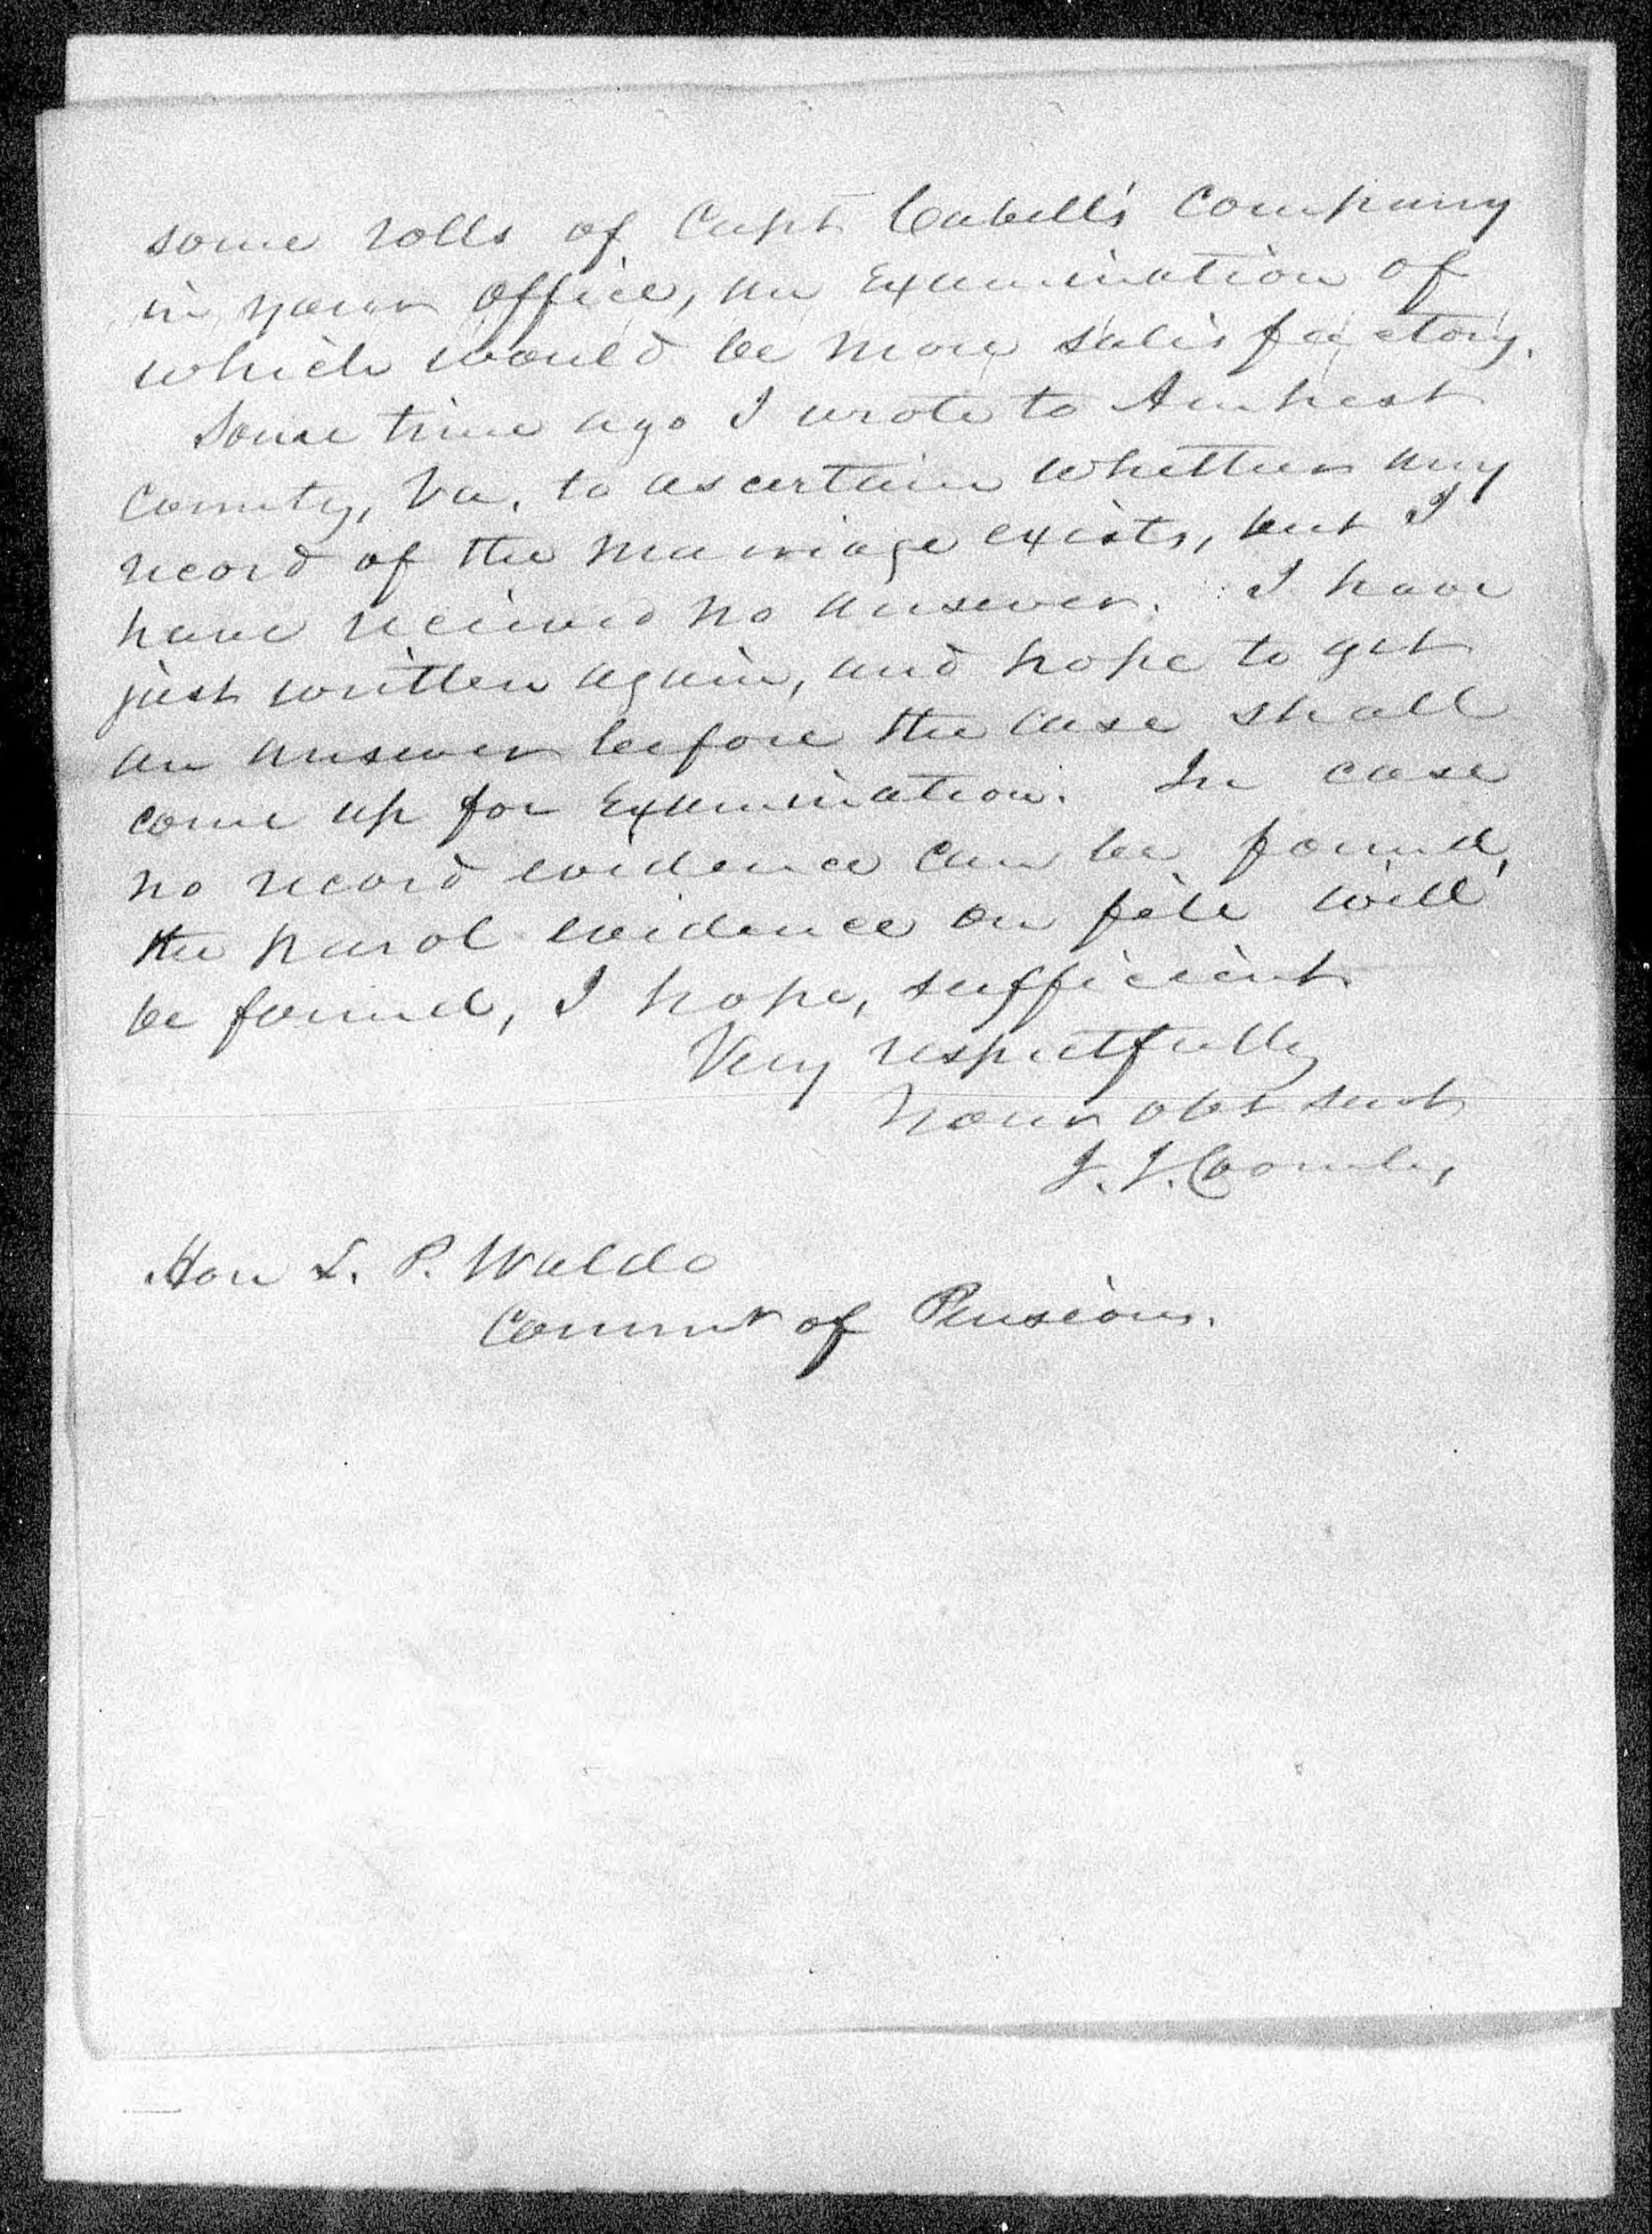some rolls of Capt Cabell's Company in your office, an examination of which would be more satisfactory.
Some time ago I wrote to Amherst County, Va. to ascertain whether any record of the marriage exists, but I have received no answer.  I have just written again, and hope to get an answer before the case shall come up for examination.  In case no record evidence can be found, the parol evidence on file will be found, I hope, sufficient.
Very respectfully,
Your obt sert
J. J. Coombs

Hon. L. P. Waldo
Comm'r of Pensions.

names: L P Waldo, J J Coombs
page: 40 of 75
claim: widow's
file: W. 8876, Thomas Gregory, Continental Va